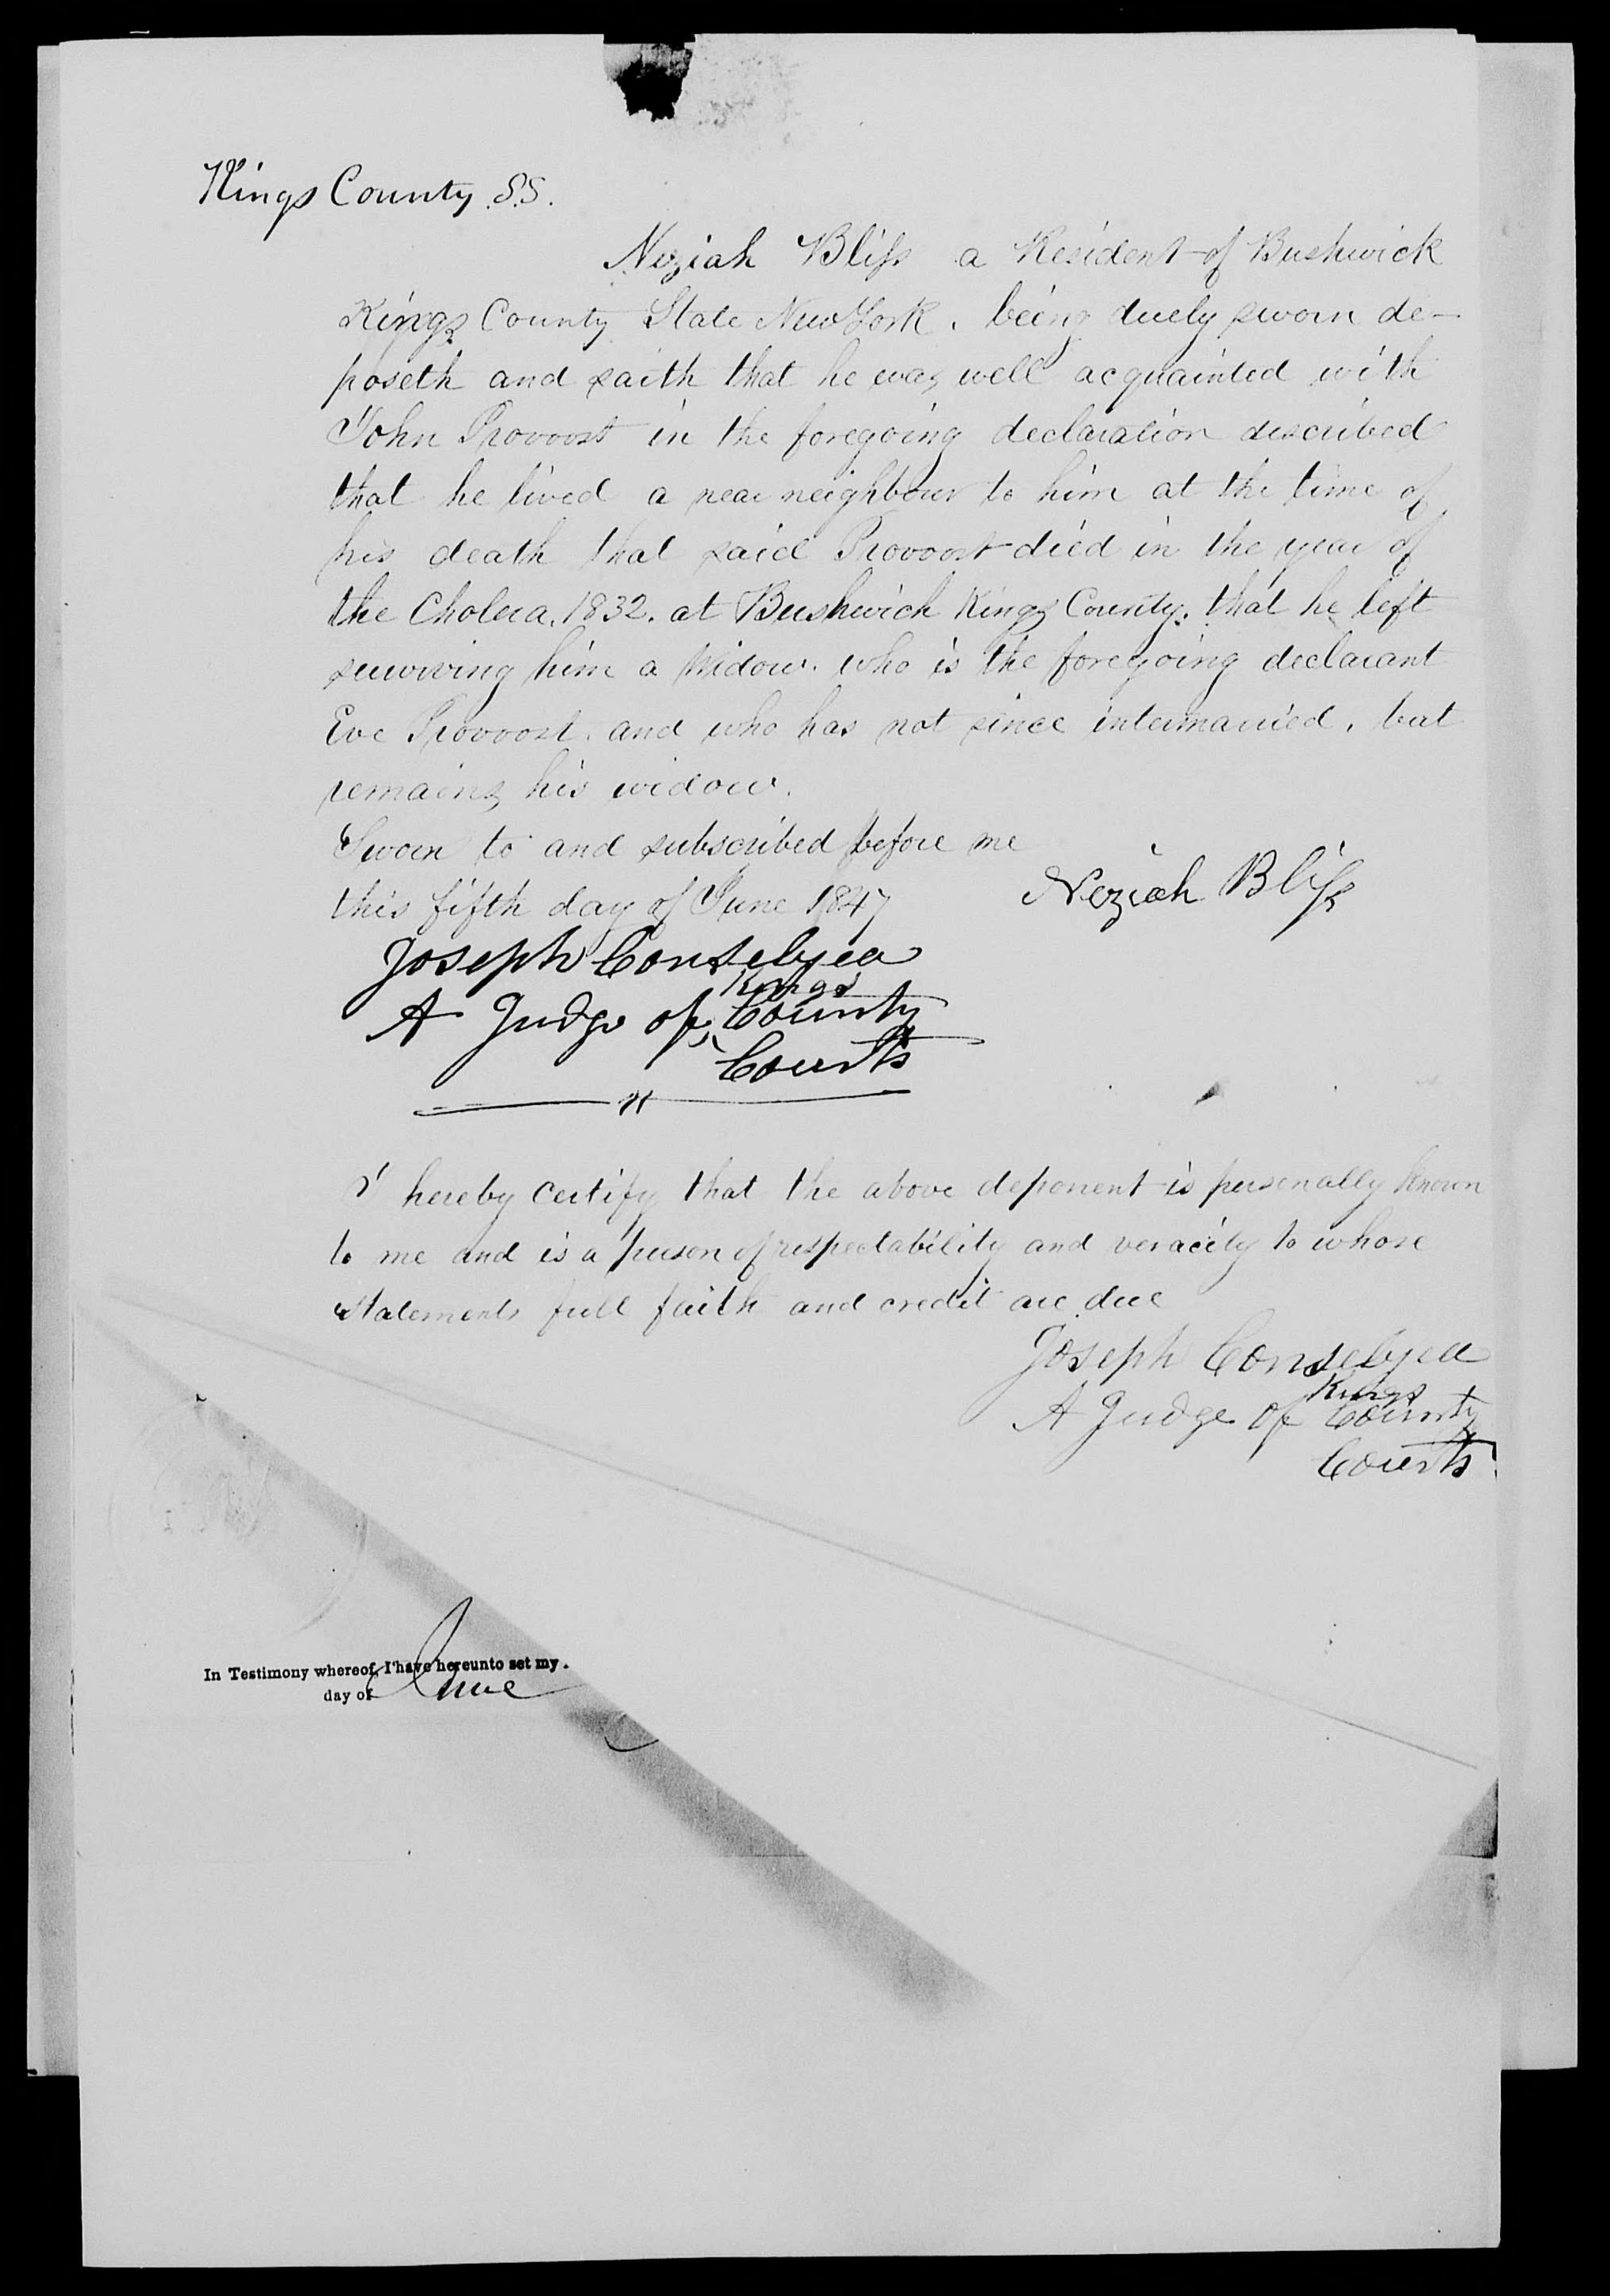Kings County SS Neziah Bliss a Resident of Bushwick Kings County State New York being duly sworn deposeth and saith that he was well acquainted with John Provoost in the foregoing declaration described that he lived a near neighbour to him at the time of his death that said Provoost died in the year of the Cholera 1832 at Bushwick Kings County that he left surviving him a widow who is the foregoing declarant Eve Provoost and who has not since intermarried, but remains his widow. Sworn to and subscribed before me this fifth day of June 1847 Neziah Bliss Joseph Conselyea A Judge of Kings County Courts 
I hereby certify that the above deponent is personally known to me and is a person of respectability and veracity to whose statements full faith and credit are due. Joseph Conselyea A Judge of Kings County Courts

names: John Provoost; Neziah Bliss; Eve Provoost; Joseph Conselyea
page: 10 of 19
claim: rejected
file: R. 8454, for John Provoost, New Jersey